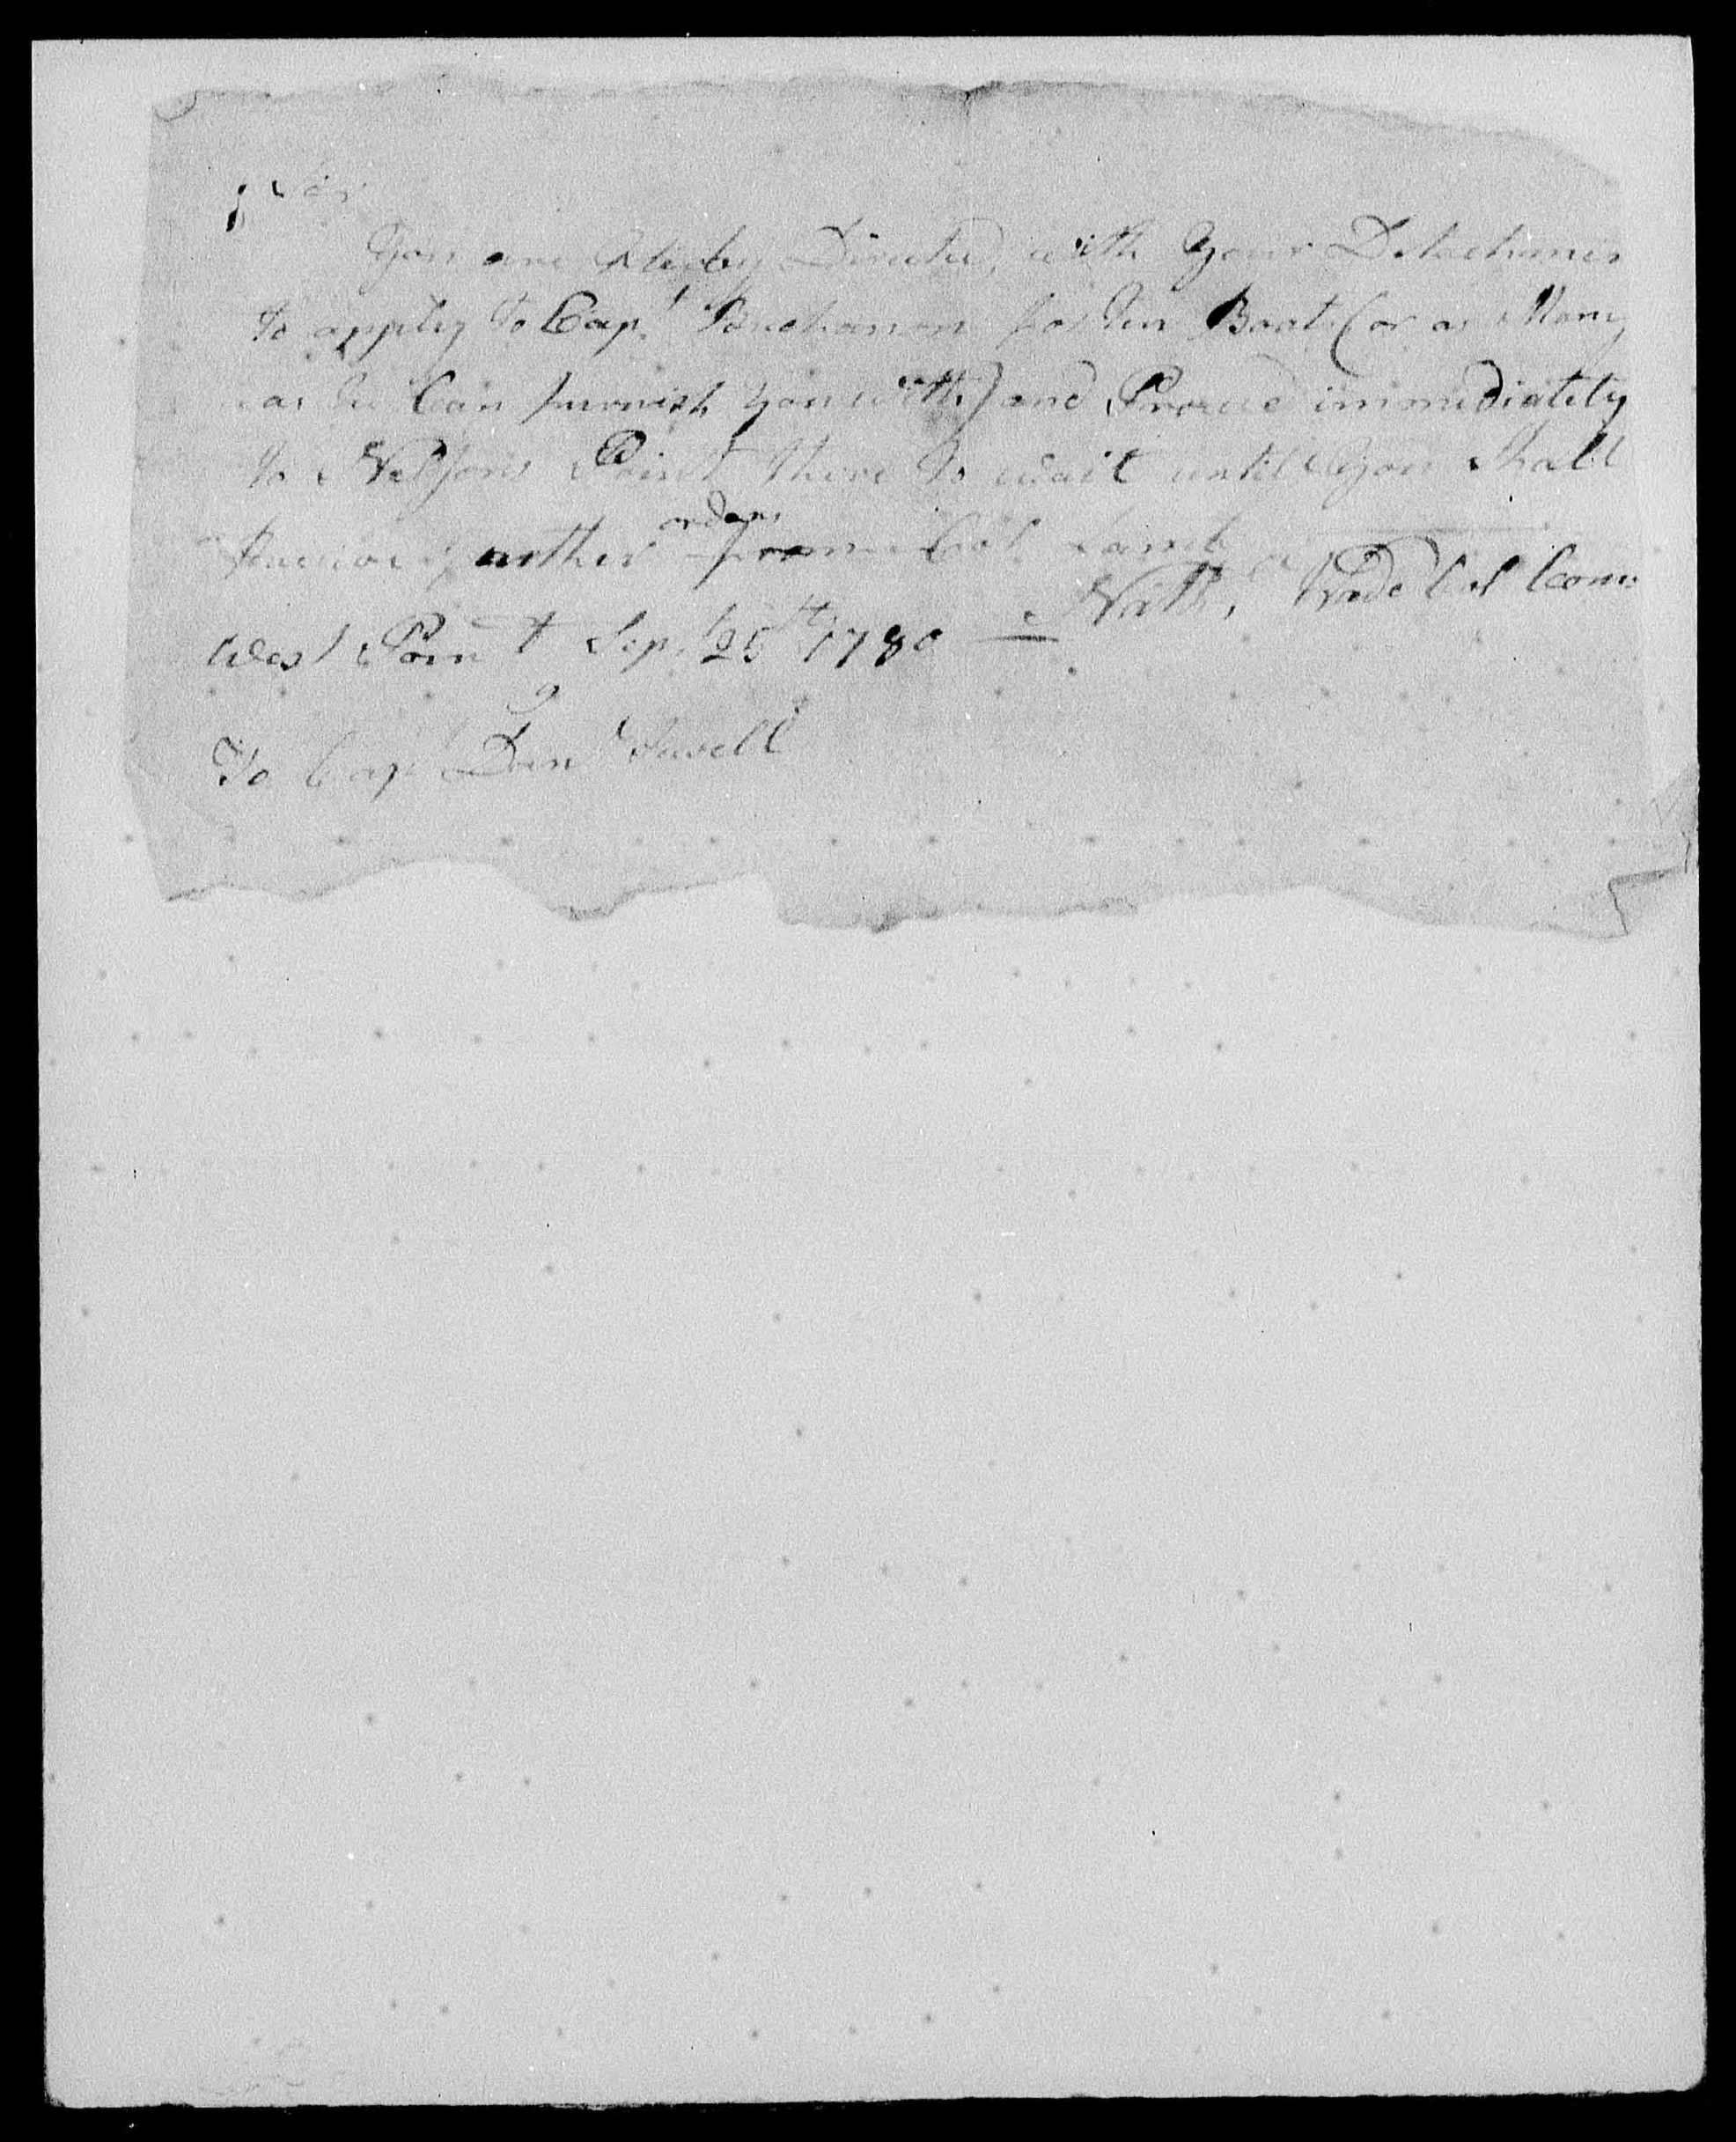[illegible]
Son
and by directed with your Deputies
to apply to Capt Buchanan John Bont for a Mary
as he can furnish youth and he immediately
You cant thereto art until you shall
another from Col
West Corn & Sep. 25 1790
it
Do of Com
Ken
will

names: [BLANK] Buchanan; Danl Jewell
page: 29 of 35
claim: survivor's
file: S. 10912, for Daniel Jewell, New Hampshire